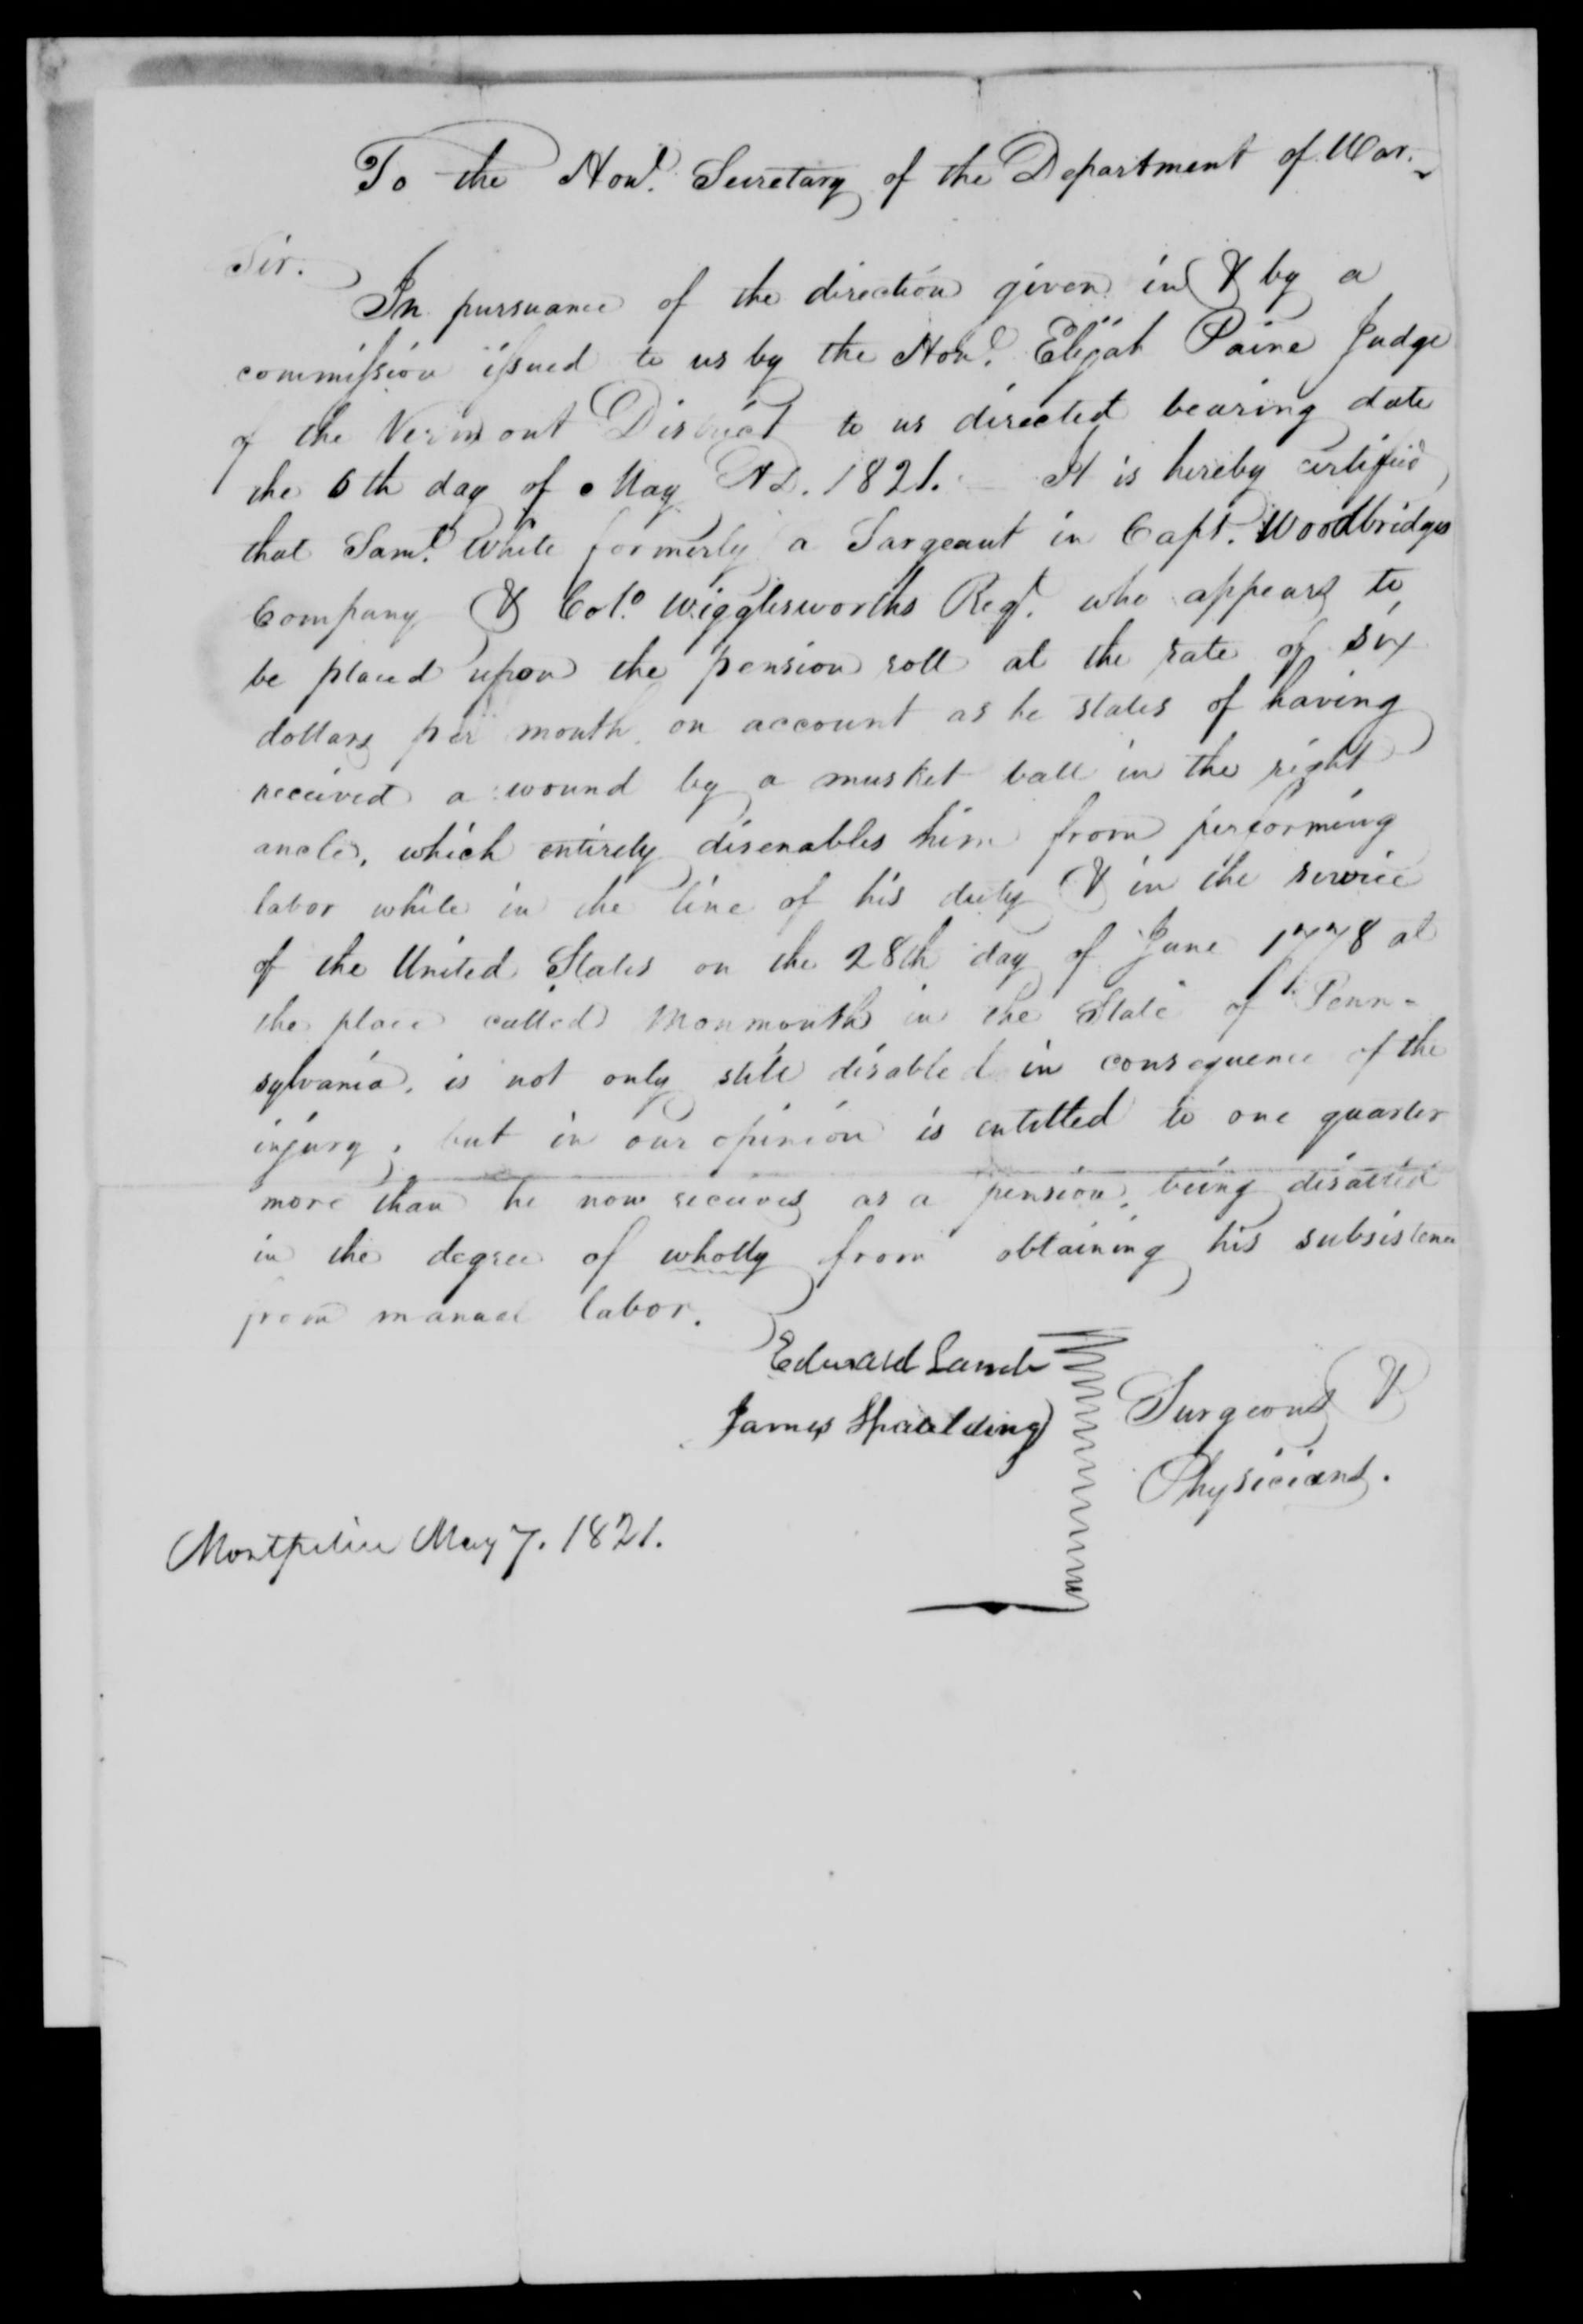To the Hon. Secretary of the Department of War
Sir
In pursuance of the direction given in & by a commission issued to us by the Hon. Elijah Paine Judge of the Vermont District to us directed bearing date the 6th day of May A. D. 1821 it is hereby certified that Saml. White formerly a Sargeant in Capt. Woodbridge's company & Col. Wigglesworth's Regt. who appears to be placed upon the pension roll at the rate of six dollars per month on account as he states of having received a wound by a musket ball in the right ankle which entirely disables him from performing labor while in the line of his duty & in the service of the United States on the 28th day of June 1778 at the place called Monmouth in the State of Pennsylvania is not only still disabled in consequence of the injury; but in our opinion is entitled to one quarter more than he now receives as a pension being disabled in the degree of wholly from obtaining his subsistence from manual labor.
Edward Lamb
James Spaulding Surgeons & Physicians

Montpelier May 7. 1821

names: Edward Lamb, Saml White, James Spaulding, Elijah Paine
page: 70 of 79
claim: survivor's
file: S. 11759, Samuel White, Mass.